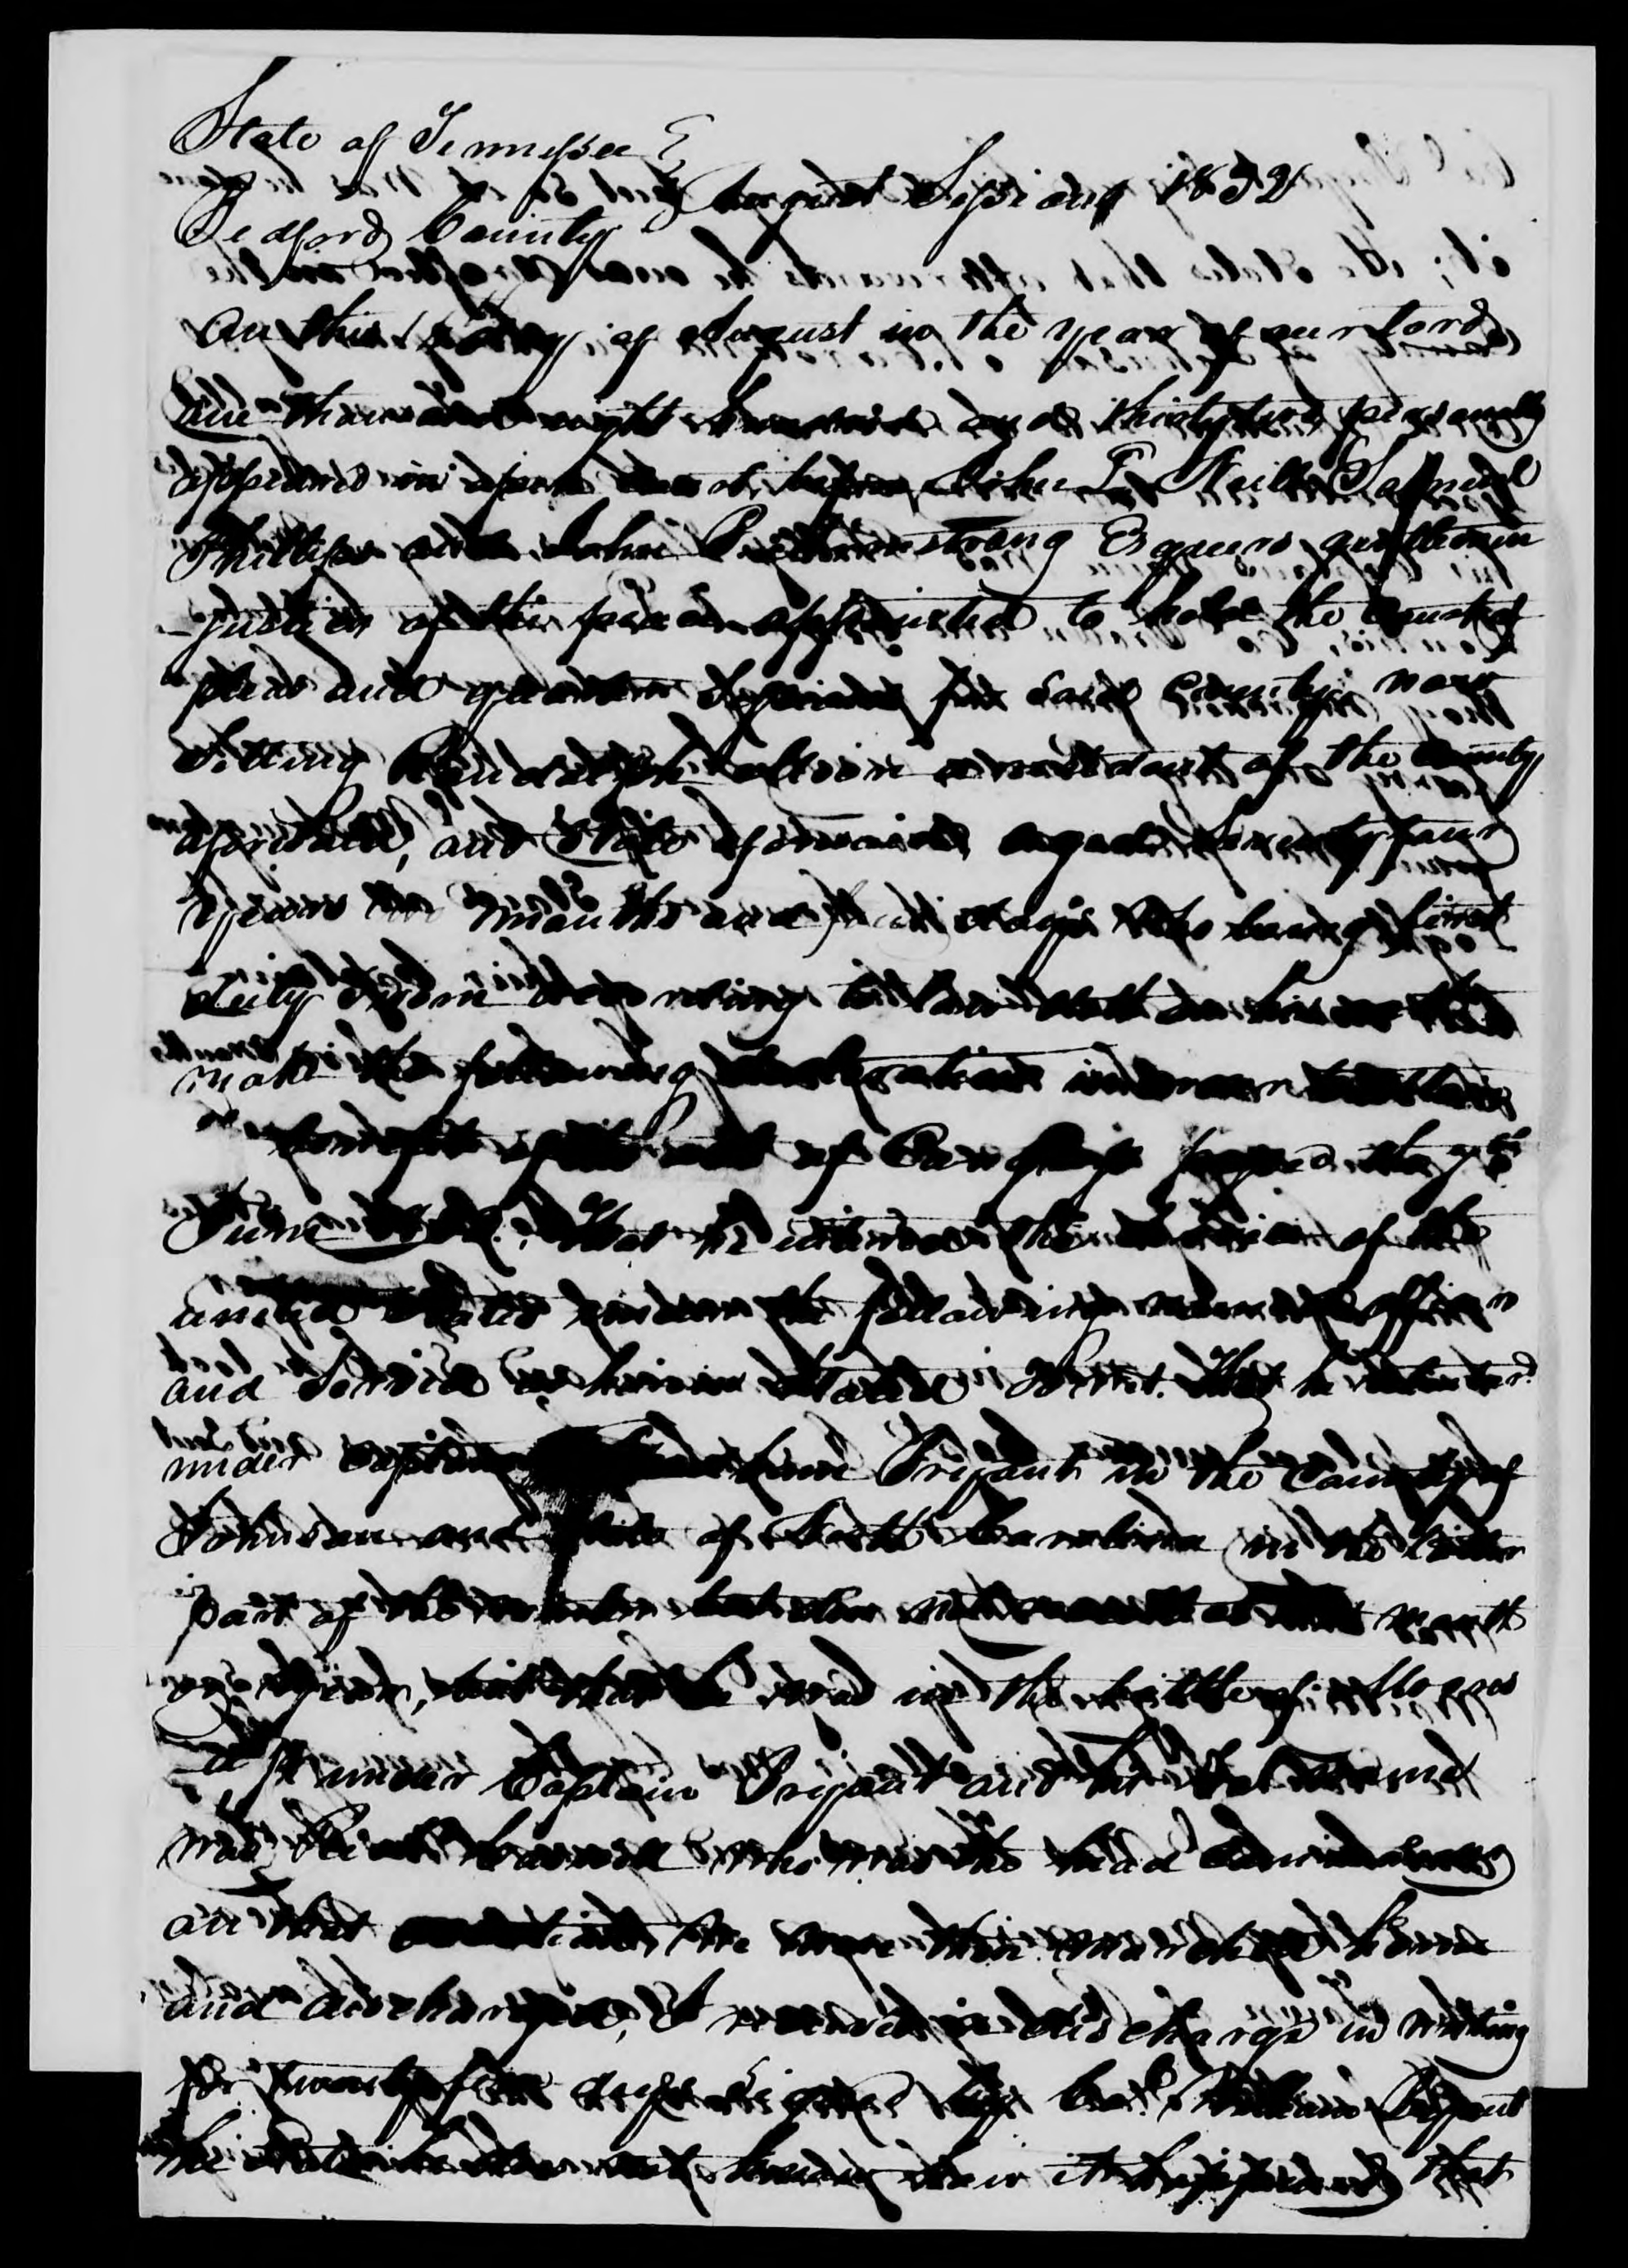State of Tennessee}
Bedford County} August Sessions 1832

On this 14th day of August in the year of our Lord one thousand eight hundred and thirty two personally aforesaid and before John P. Neill and  Samuel Phillips and John P. Armstrong Esquires, gentlemen justices of the peace and appointed to hold the Court of pleas and quarter sessions for said county now sitting Randolph Moore a resident of the county aforesaid and state aforesaid, aged Seventy four years two months and four days who being first duly sworn according to law doth on his oath make the following declaration in order to obtain the benefits of the act of Congress passed the 7th June 1832. That he entered the service of the United States under the following named officers and served as here in stated First that he entered under Captain [illegible] Bryant in the county of Johnson and state of North Carolina (in the latter part of November but when [illegible] at the month [illegible] [illegible] [illegible] [illegible] in the battle of Magoos [smudge] under Captain Bryant and colonel named Richard Carroll who was the head and discharged. I never received a discharge in writing for [illegible] of the days signed by Colonel William Bryant. he states he was not [illegible] when it happened that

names: Samuel Phillips; John P Armstrong; John L Neill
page: 5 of 33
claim: widow's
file: W. 52, for Randolph Moore, North Carolina